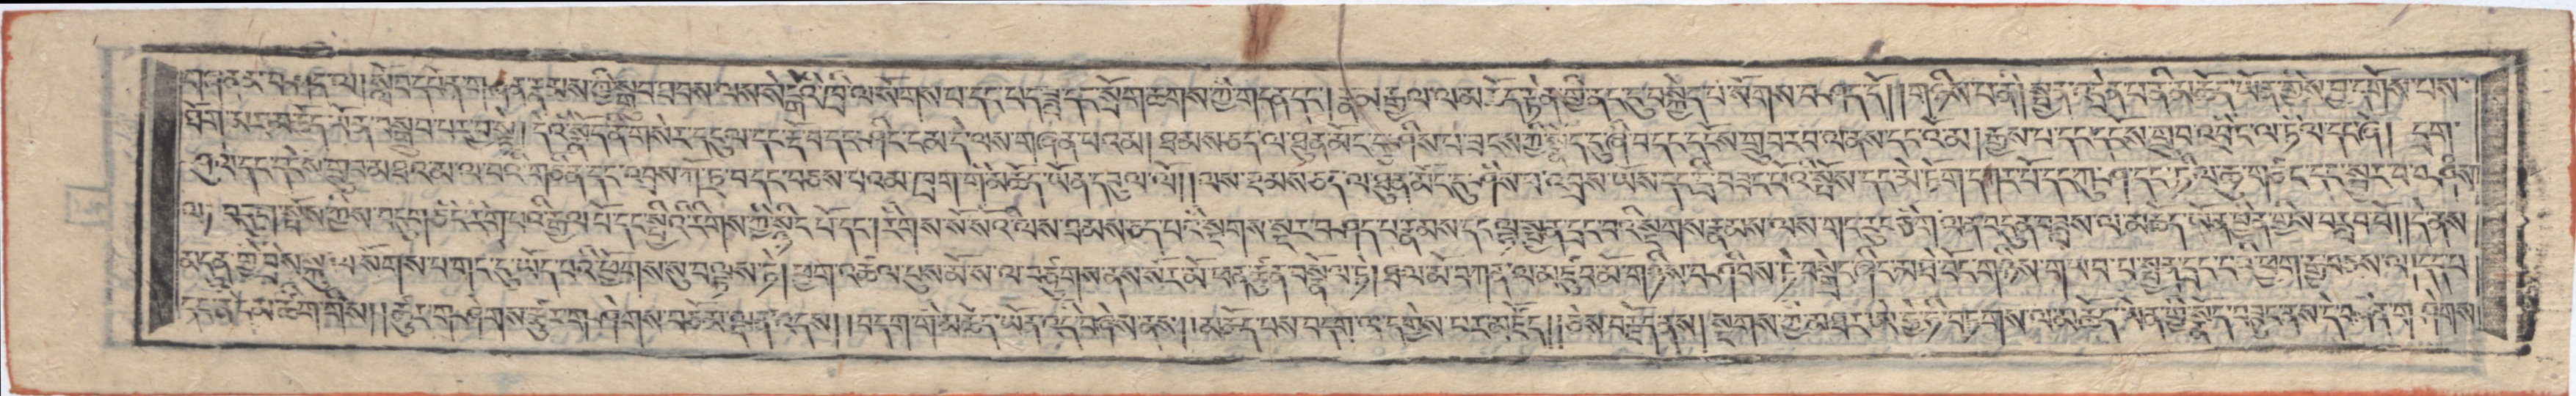གཞན་མ་བཤད་ལ། སློབ་དཔོན་གཞན་རྣམས་ཀྱི་སྒྲུབ་ཐབས་ལས་སེངྒེའི་ཁྲི་ལ་སོགས་པ་དང་པད་ཟླ་དང་སྲོག་ཆགས་ཀྱི་གདན་དང་། རྣམ་རྒྱལ་ལ་མཆོད་རྟེན་གྱི་ནང་དུ་བསྐྱེད་པ་སོགས་བཤད་དོ། །གཉིས་པ་ནི། སྤྱན་འདྲེན་པ་ནི་མཆོད་ཡོན་གྱིས་བྱ་དགོས་པས་
ཐོག་མར་མཆོད་ཡོན་བསྒྲུབ་པར་བྱ་སྟེ། དེའི་སྣོད་ནི་གསེར་དངུལ་དང་རྡོ་བ་དང་ཤིང་ངམ་དེ་ལས་གཞན་པའམ། ཐམས་ཅད་ལ་ཐུན་མོང་དུ་ཤིས་པ་ཟངས་ཀྱི་སྣོད་དུ་ཞི་བ་དང་དངོས་གྲུབ་རབ་ལ་ནས་དང་འོ་མ། རྒྱས་པ་དང་དངོས་གྲུབ་འབྲིང་ལ་ཏིལ་དང་ཞོ། དྲག་
ཤུལ་དང་དངོས་གྲུབ་མཐའ་མ་ལ་བའི་གཅིན་དང་འབྲས་ཀོ་ཏྲ་བ་དང་བཅས་པའམ་ཁྲག་གི་མཆོད་ཡོན་དབུལ་ལོ། །ལས་ཐམས་ཅད་ལ་ཐུན་མོང་དུ་ཤིས་པ་འབྲས་ཡོས་དང་དྲི་བཟང་པོའི་སྤོས་དང་མེ་ཏོག་དཀར་པོ་དང་ཀུ་ཤ་དང་ཏིལ་ཆུ་གཙང་དང་སྦྱར་བ་བཤམས་
ལ༑ བདུག་སྤོས་ཀྱིས་བདུག་ཅིང་རིག་པའི་རྒྱལ་པོ་དང་སྤྱིའི་རིགས་ཀྱི་སྙིང་པོ་དང་། རིགས་སོ་སོའི་ལས་ཐམས་ཅད་པའི་སྔགས་སྔར་བཤད་པ་རྣམས་དང་ལྷ་སྤྱན་དྲང་བའི་སྔགས་རྣམས་ལས་གང་རུང་ཅིག་ལན་བདུན་བཟླས་ལ་མཆོད་ཡོན་བྱིན་གྱིས་བརླབ་བོ། །དེ་ནས་
མདུན་གྱི་བྲིས་སྐུ་ལ་སོགས་པ་གང་དུ་ཡོད་པའི་ཕྱོགས་སུ་བལྟས་ཏེ། ཕྱག་འཚལ་པུས་མོ་ས་ལ་བཙུགས་ནས་སོར་མོ་ཕན་ཚུན་བསྣོལ་ཏེ། ཐལ་མོ་བཀན་ལ་མཛུབ་མོ་གཉིས་བཤིབས་ཏེ་བསྒྲེང་ཞིང་མཐེ་བོང་གཉིས་གཡབ་པ་སྤྱན་དྲང་པའི་ཕྱག་རྒྱ་བཅས་ལ། དད་པ་
དང་ནི་དམ་ཚིག་གིས། །ཚུར་གཤེགས་ཚུར་གཤེགས་བཅོམ་ལྡན་འདས། །བདག་གི་མཆོད་ཡོན་འདི་བཞེས་ནས། །མཆོད་པས་བདག་ལ་དགྱེས་པར་མཛོད། །ཅེས་བརྗོད་ནས། སྔགས་ཀྱི་མཐར་ཨེ་ཧྱེ་ཧི་བཏགས་ལ་མཆོད་ཡོན་གྱི་སྣོད་བཟུང་ནས་དེ་བཞིན་གཤེགས་